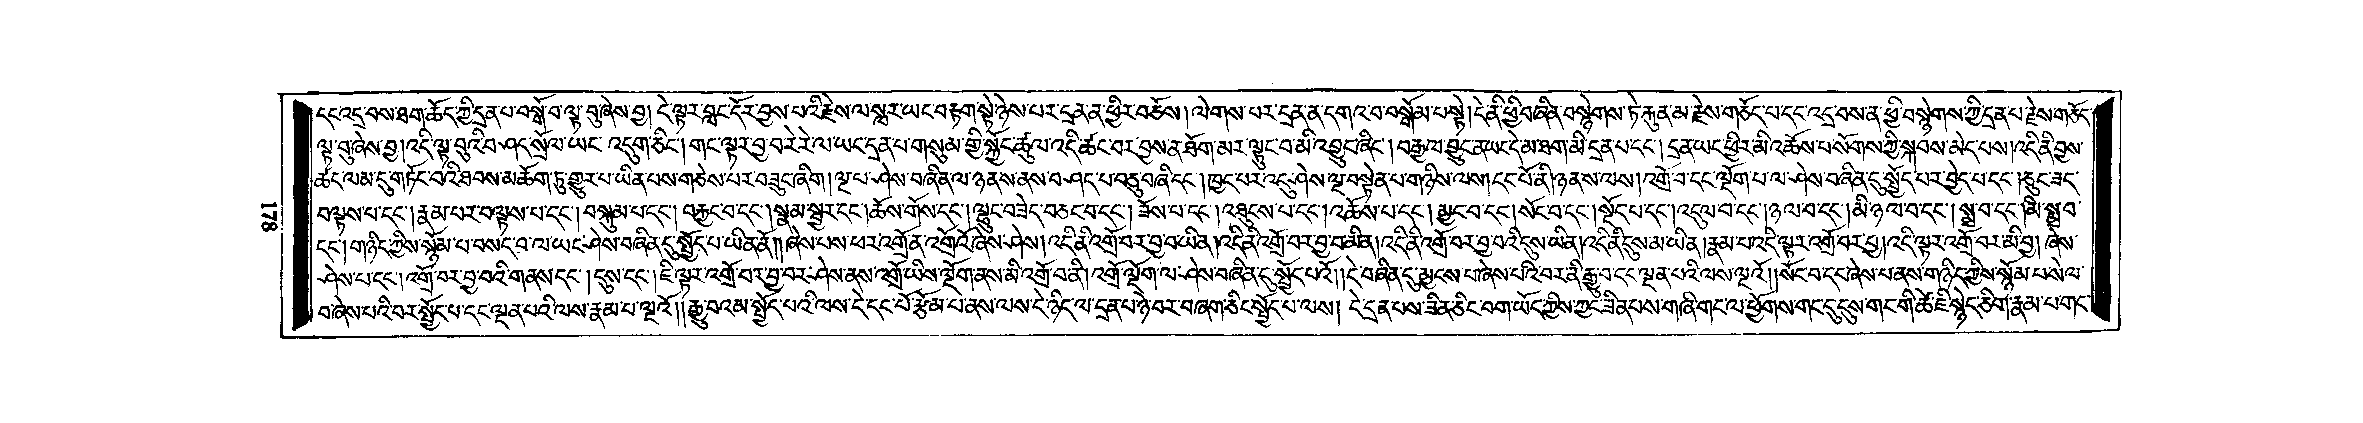དང་འདྲ་བས་ཐག་ཆོད་ཀྱི་དྲན་པ་བསྒོ་བ་ལྟ་བུ་ཞེས་བྱ། དེ་ལྟར་བླང་དོར་བྱས་པའི་རྗེས་ལ་སླར་ཡང་བརྟག་སྟེ་ཉེས་པར་དྲན་ན་ཕྱིར་བཅོས། ལེགས་པར་དྲན་ན་དགའ་བ་བསྒོམ་པ་སྟེ། དེ་ནི་ཕྱི་བཞིན་བསྙེགས་ཏེ་རྐུན་མ་རྗེས་གཅོད་པ་དང་འདྲ་བས་ན་ཕྱི་བསྙེགས་ཀྱི་དྲན་པ་རྗེས་གཅོད་
ལྟ་བུ་ཞེས་བྱ། འདི་ལྟ་བུའི་བཤད་སྲོལ་ཡང་འདུག་ཅིང་། གང་ལྟར་བྱ་བ་རེ་རེ་ལ་ཡང་དྲན་པ་གསུམ་གྱི་སྐྱོང་ཚུལ་འདི་ཚང་བར་བྱས་ན་ཐོག་མར་ལྟུང་བ་མི་འབྱུང་ཞིང་། བརྒྱལ་བྱུང་ན་ཡང་དེ་མ་ཐག་མི་དྲན་པ་དང་། དྲན་ཡང་ཕྱིར་མི་འཆོས་པ་སོགས་ཀྱི་སྐབས་མེད་པས། འདི་ནི་བྱས་
ཚད་ལམ་དུ་གཏོང་བའི་ཐབས་མཆོག་ཏུ་གྱུར་པ་ཡིན་པས་གཅེས་པར་བཟུང་ཞིག །ལྔ་པ་ཤེས་བཞིན་ལ་ཉན་ས་ནས་བཤད་པ་བཅུ་དང་
ཨང་། ཁྱད་པར་འདུ་ཤེས་ལྔ་བསྟེན་པ་གཉིས་ལས། དང་པོ་ནི། ཉན་ས་ལས། འགྲོ་བ་དང་ལྡོག་པ་ལ་ཤེས་བཞིན་དུ་སྤྱོ་པར་བྱེད་པ་དང་། ཅུང་ཟད་
བལྟས་པ་དང་། རྣམ་པར་བལྟས་པ་དང་། བསྐུམ་པ་དང་། བརྐྱང་བ་དང་། སྣམ་སྦྱར་དང་། ཆོས་གོས་དང་། ལྷུང་བཟེད་བཅང་བ་དང་། ཟོས་པ་དང་། འཐུངས་པ་དང་། འཆོས་པ་དང་། མྱང་བ་དང་། སོང་བ་དང་། སྡོད་པ་དང་། འདུལ་བ་དང་། ཉལ་བ་དང་། མི་ཉལ་བ་དང་། སྨྲ་བ་དང་། མི་སྨྲ་བ་
དང་། གཉིད་ཀྱིས་སྙོམ་པ་བསད་པ་ལ་ཡང་ཤེས་བཞིན་དུ་སྤྱོད་པ་ཡིན་ནོ། །ཞེས་པས་ཕར་འགྲོ་ན་འགྲོའོ་ཞེས་ཤེས། འདི་ནི་འགྲོ་བར་བྱ་བ་ཡིན། འདི་ནི་འགྲོ་བར་བྱ་བ་མིན། འདི་ནི་འགྲོ་བར་བྱ་བའི་དུས་ཡིན། འདི་ནི་དུས་མ་ཡིན། རྣམ་པ་འདི་ལྟར་འགྲོ་བར་བྱ། འདི་ལྟར་འགྲོ་བར་མི་བྱ། ཞེས་
ཤེས་པ་དང་། འགྲོ་བར་བྱ་བའི་གནས་དང་། དུས་དང་། ཇི་ལྟར་འགྲོ་བར་བྱ་བར་ཤེས་ནས་འགྲོ་ཡིས་ལྡོག་ནས་མི་འགྲོ་བ་ནི། འགྲོ་ལྡོག་ལ་ཤེས་བཞིན་དུ་སྤྱོད་པའོ། །དེ་བཞིན་དུ་མྱངས་པ་ཞེས་པའི་བར་ནི་རྒྱུ་བ་དང་ལྡན་པའི་ལས་ལྔའོ། །སོང་བ་དང་ཞེས་པ་ནས་གཉིད་ཀྱིས་སྙོམ་པ་སེལ་
བ་ཞེས་པའི་བར་སྤྱོད་པ་དང་ལྡན་པའི་ལས་རྣམ་པ་ལྔའོ། །རྒྱུ་བའམ་སྤྱོད་པའི་ལས་དེ་དང་པོ་རྩོམ་པ་ནས་ལས་དེ་ཉིད་ལ་དྲན་པ་ཉེ་བར་བཞག་ཅིང་སྤྱོད་པ་ལས། དེ་དྲན་པས་ཟིན་ཅིང་བག་ཡོད་ཀྱིས་ཀྱང་ཟིན་པས་གཞི་གང་ལ་ཕྱོགས་གང་དུ་དུས་གང་གི་ཚེ་ཇི་སྙེད་ཅིག་རྣམ་པ་གང་